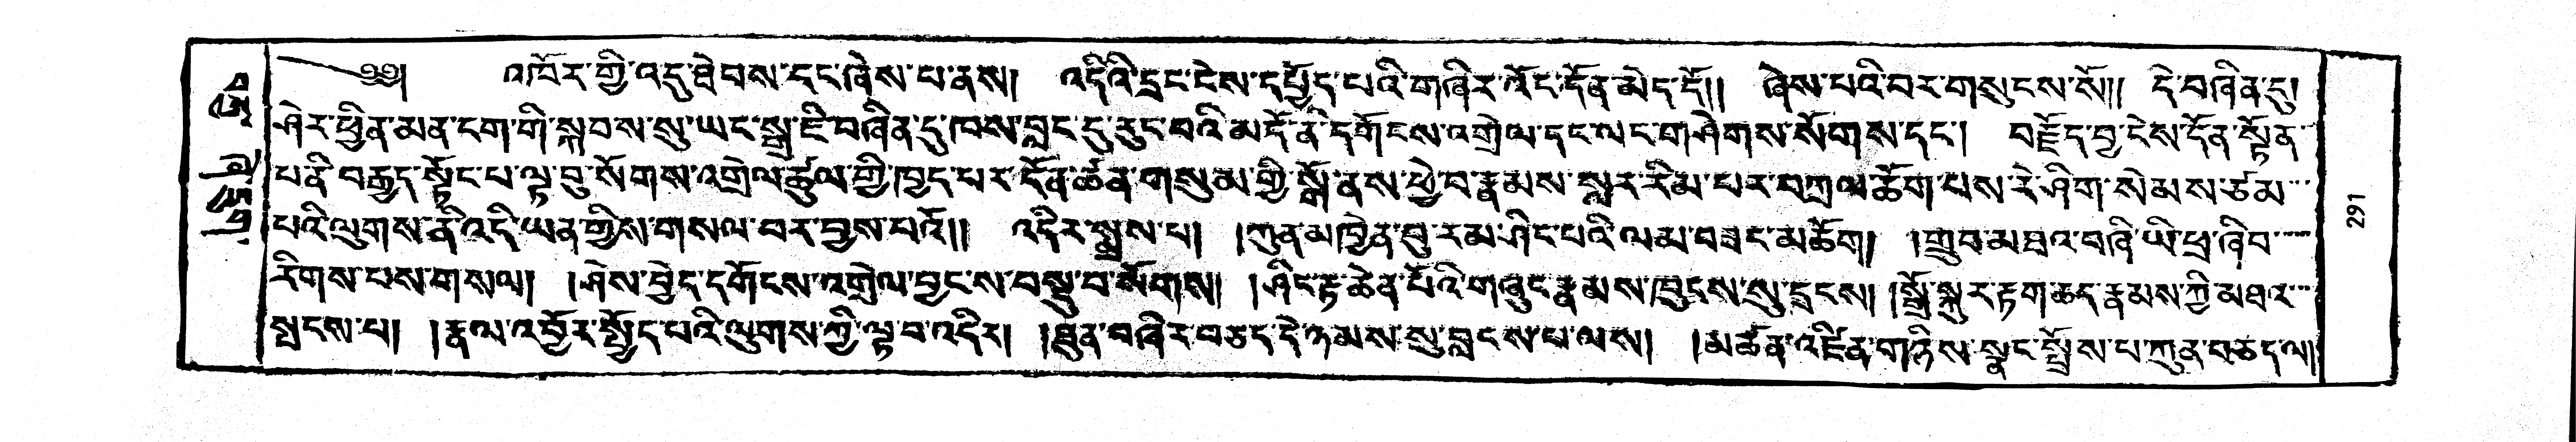༄༅། །འཁོར་གྱི་འདུ་ཐེབས་དང་ཞེས་པ་ནས། འདིའི་དྲང་ངེས་དཔྱོད་པའི་གཞིར་འོང་དོན་མེད་དོ། །ཞེས་པའི་བར་གསུངས་སོ། །དེ་བཞིན་དུ།
ཤེར་ཕྱིན་མན་ངག་གི་སྐབས་སུ་ཡང་སྒྲ་ཇི་བཞིན་དུ་ཁས་བླང་དུ་རུང་བའི་མདོ་ནི་དགོངས་འགྲེལ་དང་ལང་གཤེགས་སོགས་དང་། བརྗོད་བྱ་ངེས་དོན་སྟོན་
པ་ནི་བརྒྱད་སྟོང་པ་ལྟ་བུ་སོགས་འགྲེལ་ཚུལ་གྱི་ཁྱད་པར་དོན་ཚན་གསུམ་གྱི་སྒོ་ནས་ཕྱེ་བ་རྣམས་སླར་རིམ་པར་བཀྲལ་ཆོག་པས་རེ་ཤིག་སེམས་ཙམ་
པའི་ལུགས་ནི་འདི་ཡན་གྱིས་གསལ་བར་བྱས་པའོ། །འདིར་སྨྲས་པ། །ཀུན་མཁྱེན་བུ་རམ་ཤིང་པའི་ལམ་བཟང་མཆོག །གྲུབ་མཐའ་བཞི་ཡི་ཕྲ་ཞིབ་
རིགས་པས་གསལ། །ཤེས་བྱེད་དགོངས་འགྲེལ་བྱང་ས་བསྡུ་བ་སོགས། །ཤིང་རྟ་ཆེན་པོའི་གཞུང་རྣམས་ཁུངས་སུ་དྲངས། །སྒྲོ་སྐུར་རྟག་ཆད་རྣམས་ཀྱི་མཐའ་
སྤངས་པ། །རྣལ་འབྱོར་སྤྱོད་པའི་ལུགས་ཀྱི་ལྟ་བ་འདིར། །ཐུན་བཞིར་བཅད་དེ་ཉམས་སུ་བླངས་པ་ལས། །མཚན་འཛིན་གཉིས་སྣང་སྤྲོས་པ་ཀུན་བཅད་ལ།